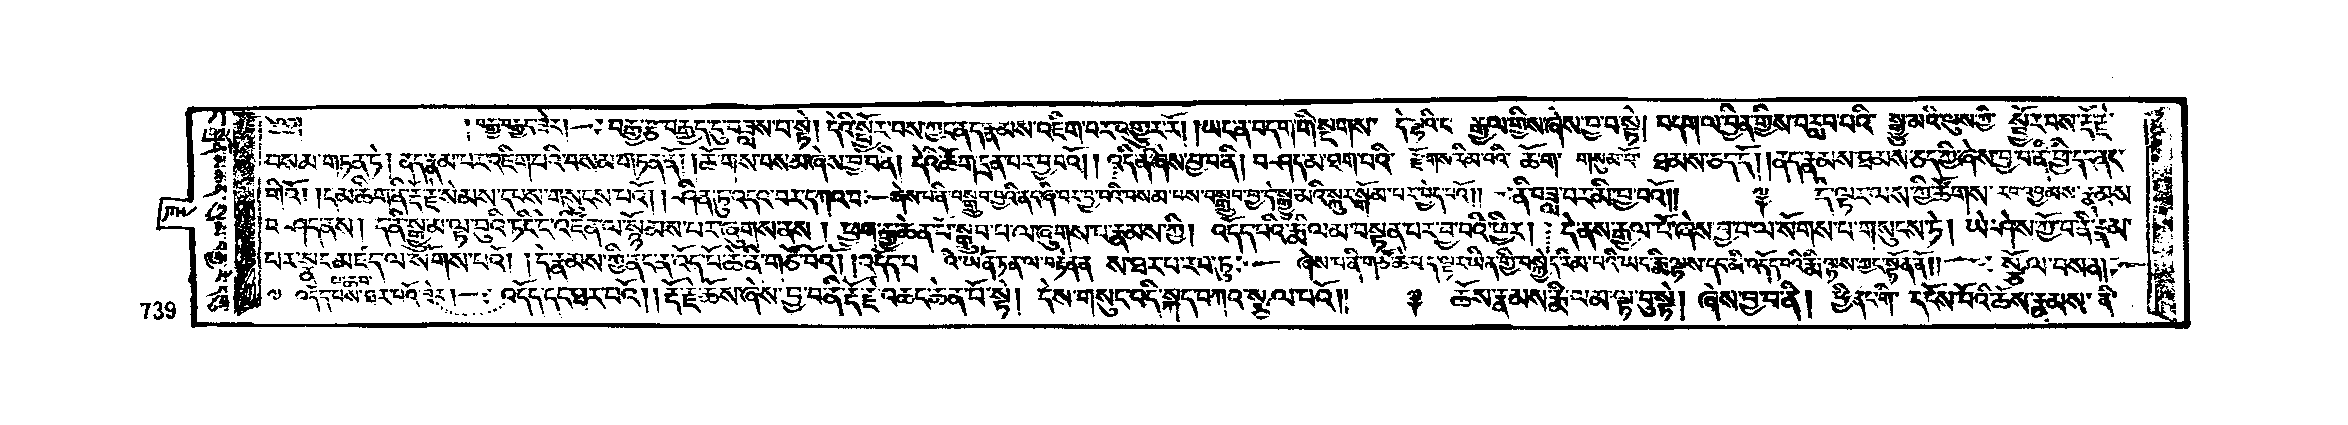༄༅། །བརྒྱ་བརྒྱད་ཟེར། .Hབརྒྱ་རྩ་བརྒྱད་དུ་བཟླས་པ་སྟེ། དེའི་སྦྱོར་བས་ཀྱང་ནད་རྣམས་འཇིག་པར་འགྱུར་རོ། །ཡང་ན་བདག་གི་སྔགས་དེ་ལྷའི་ང་རྒྱལ་གྱིས་ཞེས་བྱ་བ་སྟེ། བདག་ལ་བྱིན་གྱིས་བརླབ་པའི་སྒྱུ་མའི་ལུས་ཀྱི་སྦྱོར་བས་རྡོ་རྗེ་
བསམ་གཏན་ཏེ། ནད་རྣམ་པར་འཇིག་པའི་བསམ་གཏན་ནོ། །ཆོ་གས་བསམ་ཞེས་བྱ་བ་ནི། དེའི་ཆོ་ག་དྲན་པར་བྱ་བའོ། །འདི་ནི་ཞེས་བྱ་བ་ནི། བཤད་མ་ཐག་པའི་རྫོགས་རིམ་པའི་ཆོ་ག་གསུམ་པོ་ཐམས་ཅད་དོ། །ནད་རྣམས་ཐམས་ཅད་ཀྱི་ཞེས་བྱ་བ་ནི་ཕྱི་དང་ནང་
གིའོ། །དམ་ཚིག་ནི་རྡོ་རྗེ་སེམས་དཔས་གསུངས་པའོ། །ཤིན་ཏུ་འདའ་བར་དཀའ་བ་H.་ཞེས་པ་ནི་བསྒྲུབ་བྱའི་ནང་ཞི་བར་བྱ་བའི་བསམ་པས་བསྒྲུབ་བྱ་དེ་སྒྱུ་མའི་སྐུར་སྒོམ་པར་བྱེད་པའོ།། .Hནི་བཟླ་བར་མི་བྱ་བའོ།། ༈ དེ་ལྟར་ལས་ཀྱི་ཚོགས་རབ་འབྱམས་རྣམས་
བཤད་ནས། ད་ནི་སྒྱུ་མ་ལྟ་བུའི་ཏིང་ངེ་འཛིན་ལ་སྙོམས་པར་ཞུགས་ནས། ཕྱག་རྒྱ་ཆེན་པོ་སྒྲུབ་པ་ལ་ཞུགས་པ་རྣམས་ཀྱི། འདོད་པའི་རྨི་ལམ་བསྟན་པར་བྱ་བའི་ཕྱིར། དེ་ནས་རྒྱལ་པོ་ཞེས་བྱ་བ་ལ་སོགས་པ་གསུངས་ཏེ། ཡེ་ཤེས་ཀྱོ་བ་ནི་རྣམ་
པར་སྣང་མཛད་ལ་སོགས་པའོ། །དེ་རྣམས་ཀྱི་ནང་ན་འོད་པོ་ཆེ་ནི་གཙོ་བོའོ། །འདོད་པའི་ཡོན་ཏན་ལ་བརྟེན་ནས་ཐར་པ་རབ་ཏུ་H.་ཞེས་པ་ནི་གཙོ་ཆེ་བ་ད་ལྟར་ཡིན་གྱི་བསྐྱེད་རིམ་པའི་ཡང་རྨི་ལྟས་དང་མི་འདོད་པའི་རྨི་ལྟས་ཀྱང་སྟོན་ནོ།། .Hསྩོལ་བས་ན། H.
༧་འདོད་པས་པ་ཚབ་ཐར་པའོ་ཟེར། .H འདོད་དང་ཐར་པའོ། །རྡོ་རྗེ་ཆོས་ཞེས་བྱ་བ་ནི་རྡོ་རྗེ་འཆང་ཆེན་པོ་སྟེ། དེས་གསུང་འདི་སྐད་བཀའ་སྩལ་པའོ།། ༈ ཆོས་རྣམས་རྨི་ལམ་ལྟ་བུ་སྟེ། ཞེས་བྱ་བ་ནི། ཕྱི་ནང་གི་དངོས་པོའི་ཆོས་རྣམས་ནི